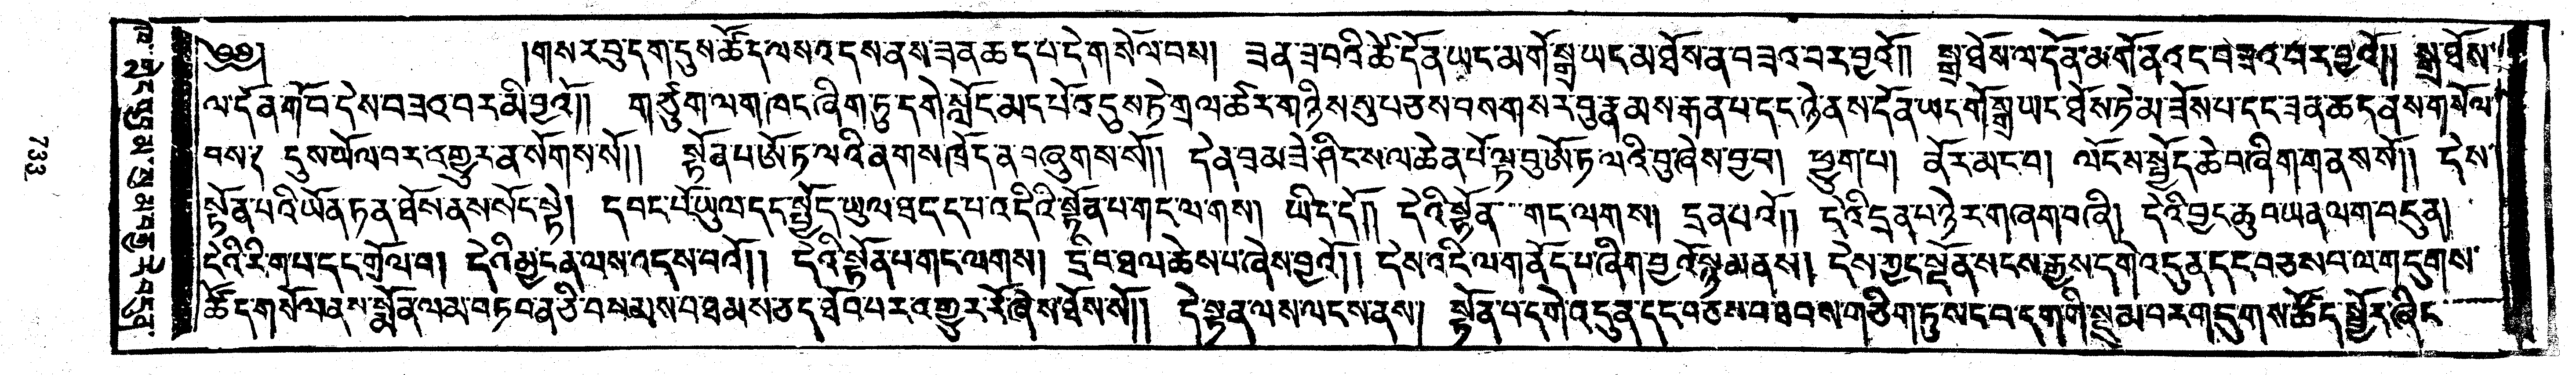༄༅། །གསར་བུ་དག་དུས་ཚོད་ལས་འདས་ནས་ཟན་ཆད་པ་དེ་གསོལ་བས། ཟན་ཟ་བའི་ཚེ་དོན་ཡང་མ་གོ་སྒྲ་ཡང་མ་ཐོས་ན་བཟའ་བར་བྱའོ། །སྒྲ་ཐོས་ལ་དོན་མགོ་ནའང་བཟའ་བར་བྱའོ། །སྒྲ་ཐོས་
ལ་དོན་གོ་བ་དེས་བཟའ་བར་མི་བྱའོ། །གཙུག་ལག་ཁང་ཞིག་ཏུ་དགེ་སློང་མང་པོ་འདུས་ཏེ་གྲལ་ཚར་གཉིས་སུ་བཅས་པས་གསར་བུ་རྣམས་རྒན་པ་དང་ཉེ་ནས་དོན་ཡང་གོ་སྒྲ་ཡང་ཐོས་ཏེ་མ་ཟོས་པ་དང་ཟན་ཆད་ནས་གསོལ་
བས༑ དུས་ཡོལ་བར་འགྱུར་ན་སོགས་སོ། །སྟོན་པ་ཨོ་ཏ་ལའི་ནགས་ཁྲོད་ན་བཞུགས་སོ། །དེ་ན་བྲམ་ཟེ་ཤིང་ས་ལ་ཆེན་པོ་ལྟ་བུ་ཨོ་ཏ་ལའི་བུ་ཞེས་བྱ་བ། ཕྱུག་པ། ནོར་མང་བ། ལོངས་སྤྱོད་ཆེ་བ་ཞིག་གནས་སོ། །དེས་
སྟོན་པའི་ཡོན་ཏན་ཐོས་ནས་སོང་སྟེ། དབང་པོ་ཡུལ་དང་སྤྱོད་ཡུལ་ཐ་དད་པ་འདིའི་སྟོན་པ་གང་ལགས། ཡིད་དོ། །དེའི་སྟོན་གང་ལགས། དྲན་པའོ། །དེའི་དྲན་པ་ཉེར་གཞག་བཞི། དེའི་བྱང་ཆུབ་ཡན་ལག་བདུན།
དེའི་རིག་པ་དང་གྲོལ་བ། དེའི་མྱ་ངན་ལས་འདས་བའོ། །དེའི་སྟོན་པ་གང་ལགས། དྲི་བ་ཐལ་ཆེས་པ་ཞེས་བྱའོ། །དེས་འདི་ལ་གནོད་པ་ཞིག་བྱའོ་སྙམ་ནས། དེས་ཀྱང་སྔོན་སངས་རྒྱས་དགེ་འདུན་དང་བཅས་བ་ལ་གདུགས་
ཚོད་གསོལ་ནས་སྨོན་ལམ་བཏབ་ན་ཅི་བསམས་བ་ཐམས་ཅད་ཐོབ་པར་འགྱུར་རོ་ཞེས་ཐོས་སོ། །དེ་སྟན་ལས་ལངས་ནས། སྟོན་པ་དགེ་འདུན་དང་བཅས་པ་ཐབས་གཅིག་ཏུ་སང་བ་དག་གི་སྡུམ་བར་གདུགས་ཚོད་སྦྱོར་ཞིང་